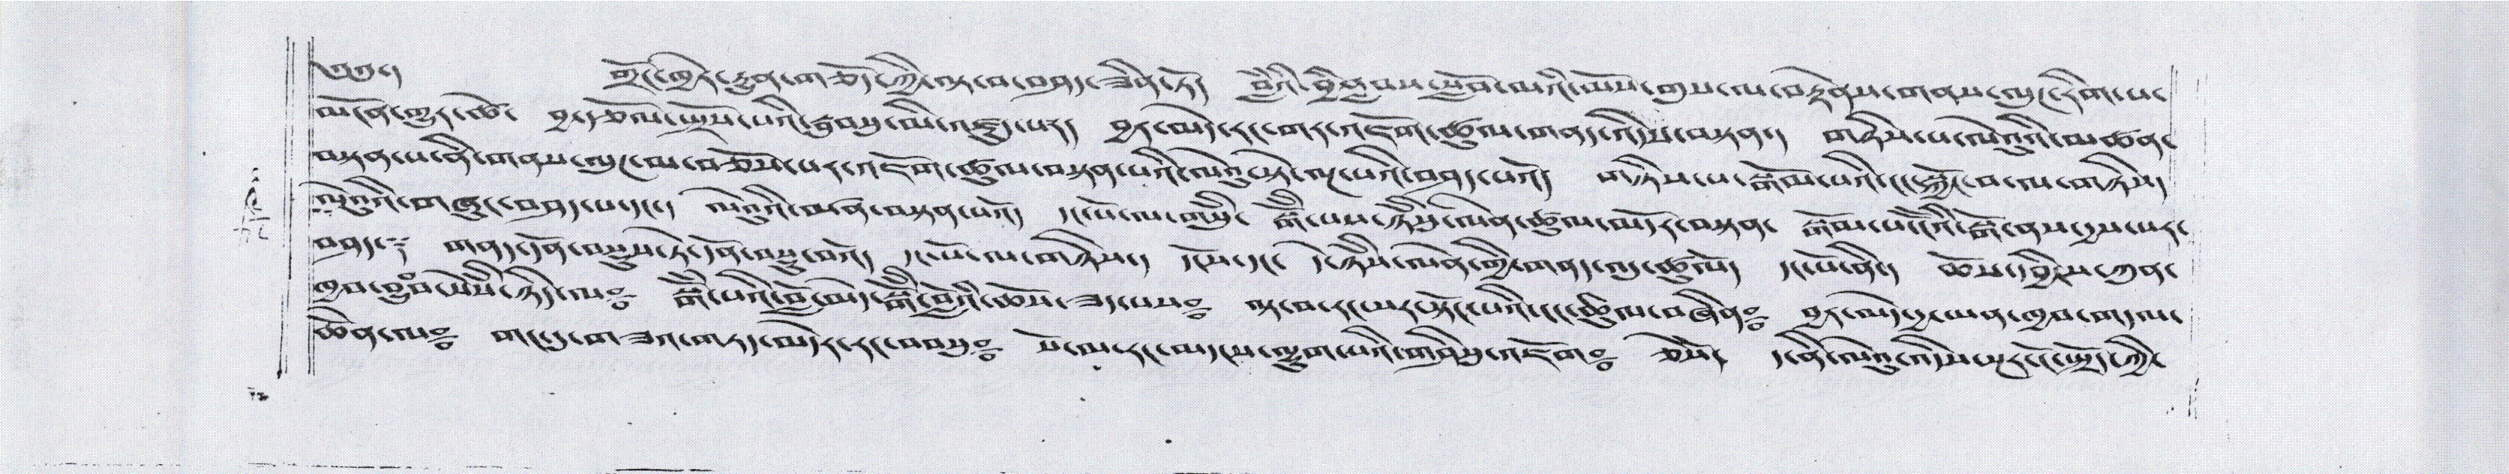གྲོང་ཁྱེར་རྒྱུན་གཅོད་ཀྱི་ལྟ་བ་བཤད་ཟིན་ཏོ། བླ་མའི་བྱིན་རླབས་སློབ་མའི་མོས་གུས་ལ་བརྟེན་ནས་གནས་ལུགས་རིག་པ་
མངོན་གྱུར་ཚེ། བྱ་རྩོལ་སྤྲོས་པའི་སྦུབས་སུ་མི་འཛུད་པར། བྱར་མེད་རང་དགར་འཇོག་ཚུལ་གནད་འདིས་བསྟན། གཉིས་པ་ལེའུ་མཚན་
བསྟན་པ་ནི་གནས་ལུགས་མ་བཅོས་པར་འཇོག་ཚུལ་བསྟན་པའི་ལེའུ་སྟེ་ལྔ་པའི་བཤད་པའོ། གཉིས་པ་སྒོམ་པའི་ངང་སྐྱོང་བ་ལ་གཉིས། 
ལེའུའི་གཞུང་བཤད་པ་དང་། ལེའུའི་མཚན་བསྟན་པའོ། དང་པོ་ལ་གསུམ། སྒོམ་པས་ཉམས་སུ་ལེན་ཚུལ་མདོར་བསྟན། སྒོམ་པ་ངོ་བོའི་སྒོ་ནས་རྒྱས་པར་
བཤད། གནད་དོན་བསྡུས་ཏེ་དོན་བསྡུ་བའོ། དང་པོ་ལ་གཉིས། དངོས་དང་། དེ་ཉམས་ལེན་གྱི་གནད་འདུ་ཚུལ་ལོ། དང་པོ་ནི། ཆོས་དབྱིངས་ཀུན་
ཁྱབ་བྱང་ཆུབ་སེམས་ཉིད་ལཿ སྒོམ་པའི་བློ་མེད་བསྒོམ་བྱའི་ཆོས་ཟད་པསཿ ལྟ་བ་རང་སར་སྟོང་པའི་ངང་ཚུལ་བཞིནཿ བྱར་མེད་རྒྱ་ཡན་ཁྱབ་བདལ་
ཆེན་པོ་ལཿ གང་དུ་གཟའ་གཏད་མེད་པར་རང་བབས་སུཿ སོ་མ་རང་མདངས་ལྷུག་པའི་གཤིས་སུ་འཇོགཿ ཅེས་སོ། ད་ནི་ལེའུ་འདིས་སྔར་ངོ་སྤྲོད་ཀྱི་